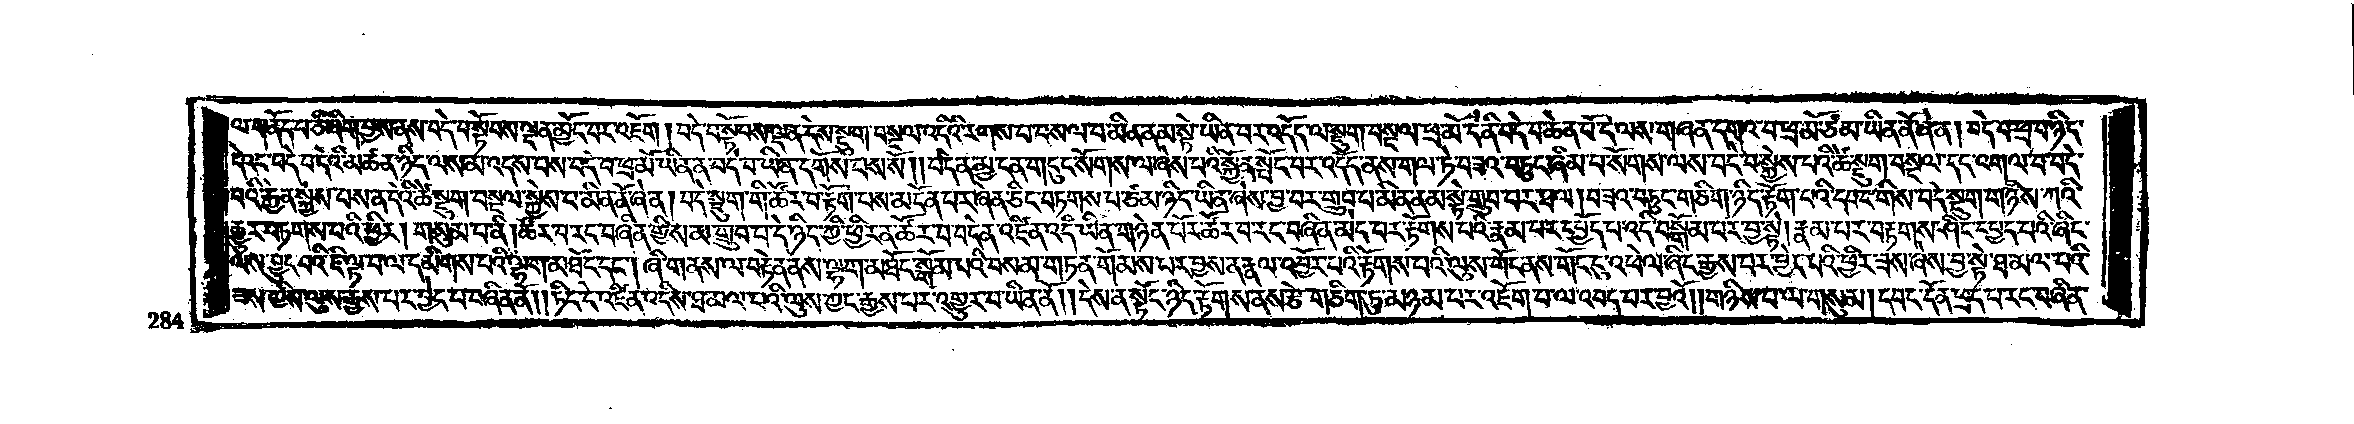ལ་གནོད་པ་ཅི་ཞིག་བྱས་ནས་བདེ་བ་སྟོབས་ལྡན་མྱོང་བར་འཇོག །བདེ་བ་སྟོབས་ལྡན་དེས་སྡུག་བསྔལ་འདིའི་རགས་པ་བསལ་བ་མིན་ནམ་སྟེ་ཡིན་པར་འདོད་ལ་སྡུག་བསྔལ་ཕྲ་མོ་དེ་ནི་བདེ་བ་ཆེན་པོ་དེ་ལས་གཞན་དགའ་བ་ཕྲ་མོ་ཙམ་ཡིན་ནོ་ཞེ་ན། བདེ་བ་ཕྲ་བ་ཉིད་
དེའང་བདེ་བ་དེའི་མཚན་ཉིད་ལས་མ་འདས་པས་བདེ་བ་ཕྲ་མོ་ཡིན་ན་བདེ་བ་ཡིན་དགོས་པས་སོ། །བདེ་ན་མྱ་ངན་གདུང་སོགས་ལ་ཞེས་པའི་སྐྱོན་སྤོང་བར་འདོད་ནས་གལ་ཏེ་བཟའ་བཏུང་ཞིམ་པ་སོགས་ལས་བདེ་བ་སྐྱེས་པའི་ཚེ་སྡུག་བསྔལ་དང་འགལ་བ་བདེ་
བའི་རྐྱེན་སྐྱེས་པས་ན་དེའི་ཚེ་སྡུག་བསྔལ་སྐྱེས་པ་མིན་ནོ་ཞེ་ན། བདེ་སྡུག་གི་ཚོར་བ་རྟོག་པས་མངོན་པར་ཞེན་ཅིང་བཏགས་པ་ཙམ་ཉིད་ཡིན་ཞེས་བྱ་བར་གྲུབ་པ་མིན་ནམ་སྟེ་གྲུབ་པར་ཐལ། བཟའ་བཏུང་གཅིག་ཉིད་རྟོག་པའི་དབང་གིས་བདེ་སྡུག་གཉིས་ཀའི་
རྒྱུར་བཏགས་པའི་ཕྱིར། གསུམ་པ་ནི། ཚོར་བ་རང་བཞིན་གྱིས་མ་གྲུབ་པ་དེ་ཉིད་ཀྱི་ཕྱིར་ན་ཚོར་བ་བདེན་འཛིན་འདི་ཡིན་གཉེན་པོར་ཚོར་བ་རང་བཞིན་མེད་པར་རྟོགས་པའི་རྣམ་པར་དཔྱོད་པ་འདི་བསྒོམ་པར་བྱ་སྟེ། རྣམ་པར་བརྟགས་ཤིང་དཔྱད་པའི་ཞིང་
ལས་བྱུང་བའི་ཇི་ལྟ་བ་ལ་དམིགས་པའི་ལྷག་མཐོང་དང་། ཞི་གནས་ལ་བརྟེན་ནས་ལྷག་མཐོང་སྒོམ་པའི་བསམ་གཏན་གོམས་པར་བྱས་ན་རྣལ་འབྱོར་པའི་རྟོགས་པའི་ལུས་གོང་ནས་གོང་དུ་འཕེལ་ཞིང་རྒྱས་པར་བྱེད་པའི་ཕྱིར་ཟས་ཞེས་བྱ་སྟེ་ཐ་མལ་པའི་
ཟས་ཀྱིས་ལུས་རྒྱས་པར་བྱེད་པ་བཞིན་ནོ། །ཏིང་ངེ་འཛིན་འདིས་ཐ་མལ་པའི་ལུས་ཀྱང་རྒྱ་སྤར་འགྱུར་བ་ཡིན་ནོ། །དེས་ན་སྟོང་ཉིད་རྟོགས་ནས་རྩེ་གཅིག་ཏུ་མཉམ་པར་འཇོག་པ་ལ་འབད་པར་བྱའོ། །གཉིས་པ་ལ་གསུམ། དབང་དོན་ཕྲད་པ་རང་བཞིན་